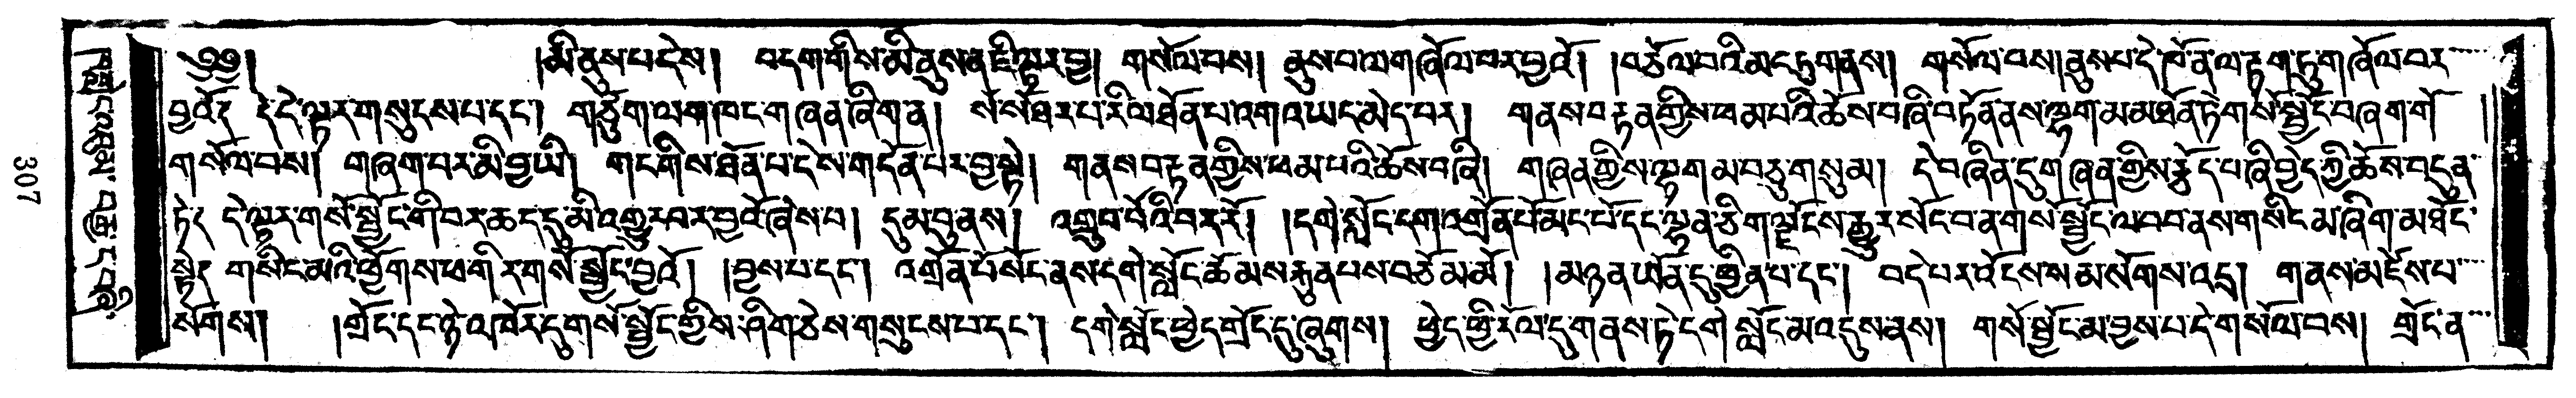༄༅། །མི་ནུས་པ་དེས། བདག་གིས་མི་ནུས་ན་ཇི་ལྟར་བྱ། གསོལ་བས། ནུས་བ་ལ་གཞོལ་བར་བྱའོ། །བཅོལ་བའི་མང་ཏུ་གནས། གསོལ་བས། ནུས་པ་དེ་ཁོ་ན་ལ་རྟག་ཏུ་གཞོལ་བར་
བྱའོ༑ ༑དེ་ལྟར་གསུངས་པ་དང་། གཙུག་ལག་ཁང་གཞན་ཞིག་ན། སོ་སོ་ཐར་པ་རིལ་ཐོན་པ་འགའ་ཡང་མེད་པར་གནས་བརྟན་གྱིས་ཕམ་པའི་ཆོས་བཞི་བཏོན་ནས་ལྷག་མ་མཐོན་ཏེ་གསོ་སྦྱོང་བཞག་གོ །
གསོལ་བས། གཞག་པར་མི་བྱ་ཡི། གང་གིས་ཐོན་པ་དེས་གདོན་པར་བྱ་སྟེ། གནས་བརྟན་གྱིས་ཕམ་པའི་ཆོས་བཞི། གཞན་གྱིས་ལྷག་མ་བཅུ་གསུམ། དེ་བཞིན་དུ་གཞན་གྱིས་རྩོད་པ་ཞི་བྱེད་ཀྱི་ཆོས་བདུན་
ཏེ༑ དེ་ལྟར་གསོ་སྦྱོང་གི་བར་ཆད་དུ་མི་འགྱུར་བར་བྱའོ་ཞེས་པ། དུམ་བུ་ནས། འགྲུབ་བོའི་བར་རོ། །དགེ་སློང་དག་འགྲོན་པོ་མང་པོ་དང་ལྷན་ཅིག་ལྗོངས་རྒྱུར་སོང་བ་ནག་སོ་སྦྱོང་ལ་བབ་ནས་གསིང་མ་ཞིག་མཐོང་
སྟེ༑ གསིང་མའི་ཕྱོགས་ཕ་གིར་གསོ་སྦྱོང་བྱའོ། །བྱས་པ་དང་། འགྲོན་པོ་སོང་ནས་དགེ་སློང་ཆོམས་རྐུན་པས་བཅོམ་མོ། །མཉན་ཡོན་དུ་ཕྱིན་པ་དང་། བདེ་པར་འོངས་སམ་སོགས་འདྲ། གནས་མཛེས་པ་
སོགས། །གྲོང་དང་ཉེ་འཁོར་དུ་གསོ་སྦྱོང་གྱིས་ཤིག་ཅེས་གསུངས་པ་དང་། དགེ་སློང་ཕྱེད་གྲོང་དུ་ཞུགས། ཕྱེད་ཕྱི་རོལ་དུ་གནས་ཏེ་དགེ་སློང་མ་འདུས་ནས། གསོ་སྦྱོང་མ་བྱས་པ་དེ་གསོལ་བས། གྲོང་ན་